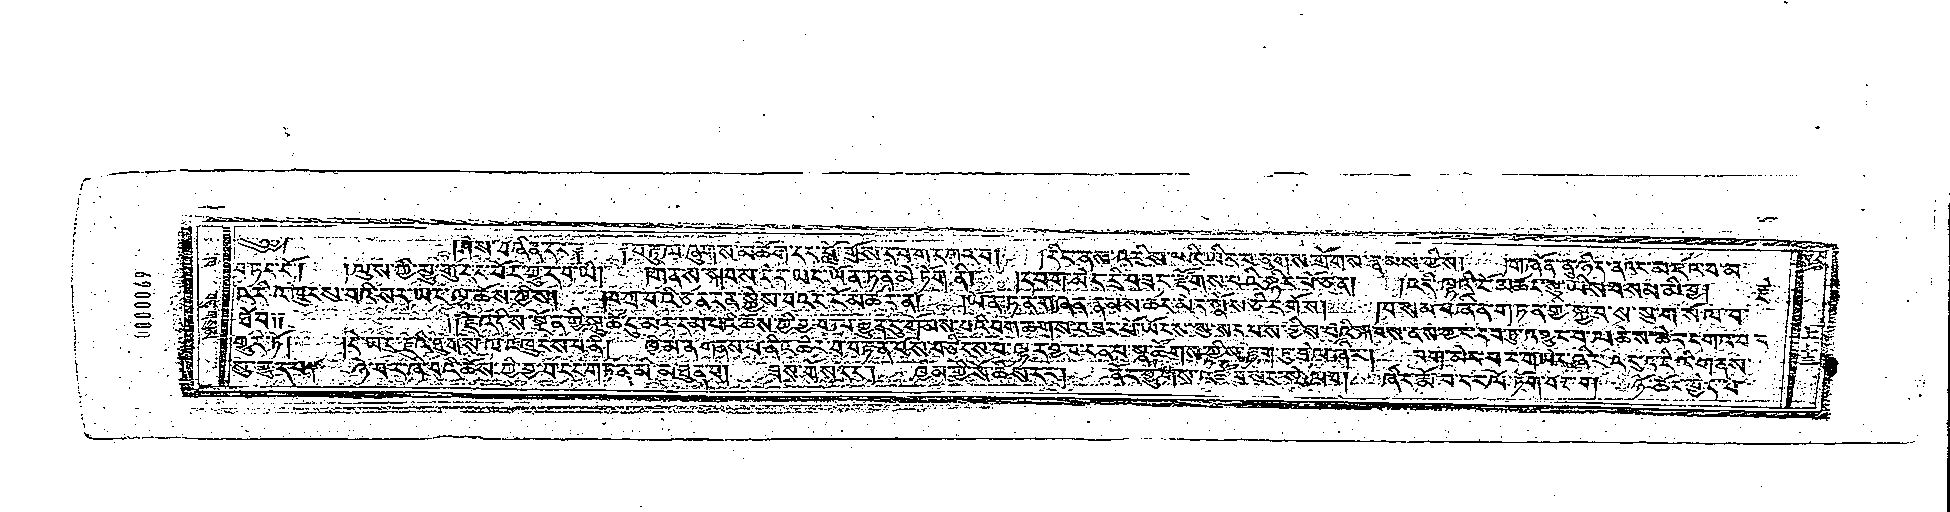༄༅། །ཤེས་བཞིན་དང༑ ༑བརྟུལ་ཞུགས་མཆོག་དང་བློ་གྲོས་དཔག་དཀའ་བ། །རིང་ནས་འདྲིས་པའི་ཡིད་བཅུགས་གྲོགས་རྣམས་ཀྱིས། །གཞོན་ནུ་ཉིད་ནའང་མཛའ་བ་མ་
བཏང་ངོ། །ལུས་ཀྱི་མྱུ་གུ་དང་པོར་གྱུར་པ་ཡི། །གནས་སྐབས་དེར་ཡང་ཡོན་ཏན་མེ་ཏོག་ནི། །དཔག་མེད་དྲི་བཟང་རྫོགས་པའི་སྙིང་པོ་ཅན། །འདི་ལྟའི་ངོ་མཚར་སུ་ཡིས་བསམ་མི་བྱ། རྗེ་
འདི་འཁྲུངས་བའི་སར་ཡང་ལྷ་ཆོས་ཀྱིས། །བཀྲ་བའི་ཙན་དན་སྐྱེས་པའང་ངོ་མཚར་ན། །ཡོན་ཏན་གཞན་རྣམས་ཚར་མེད་སྨོས་ཅི་དགོས། །བསམ་བཞིན་གཏན་གྱི་སྐྱབས་སུ་གསོལ་བ་
ཐོབ༑༑ ༑༑རྗེ་འདིས་སྔོན་གྱི་སྐུ་ཚེ་དུ་མར་ངམ་པའི་ཆོས་གྱི་བྱ་བ་ལ་རྒྱུན་དུ་གོམས་པའི་བག་ཆགས་བཟང་པོ་ཡོངས་སུ་སད་པས་བྱིས་པའི་སྐབས་ནས་ཀྱང་རབ་ཏུ་དབྱུང་བ་ལ་ཆེས་ཆེར་དགའ་པར་
གྱུར་ཏོ། །དེ་ཡང་རྗེའི་ཐུགས་ལ་འཁྲུངས་པ་ནི། ཁྱིམ་ན་གནས་པ་ནི་འཆིར་བ་བརྟན་པོས་བཅིངས་པ་ལྟར་བྱ་བ་ངན་པ་སྣ་ཚོགས་ཀྱིས་རྟག་ཏུ་བྲེལ་ཞིང་། བག་མེད་པར་གཡེང་ཞིང་འདུ་འཇིའི་གནས་
སུ་གྱུར་པ༑ ཉེ་བར་ཞི་བའི་ཆོས་ཀྱི་བྱ་བ་དང་གཏན་མི་མཐུན་པ། ཟས་གོས་དང་། ཁྱིམ་གྱི་སོ་ཚིས་དང་། ནོར་ཕྱུགས་འཚེ་བ་སྲུང་སྤེལ་པ། ཞིང་རྨོ་བ་དང་ལོ་ཏོག་བརྡ་བ། ཉོང་ཚོང་བྱེད་པ་